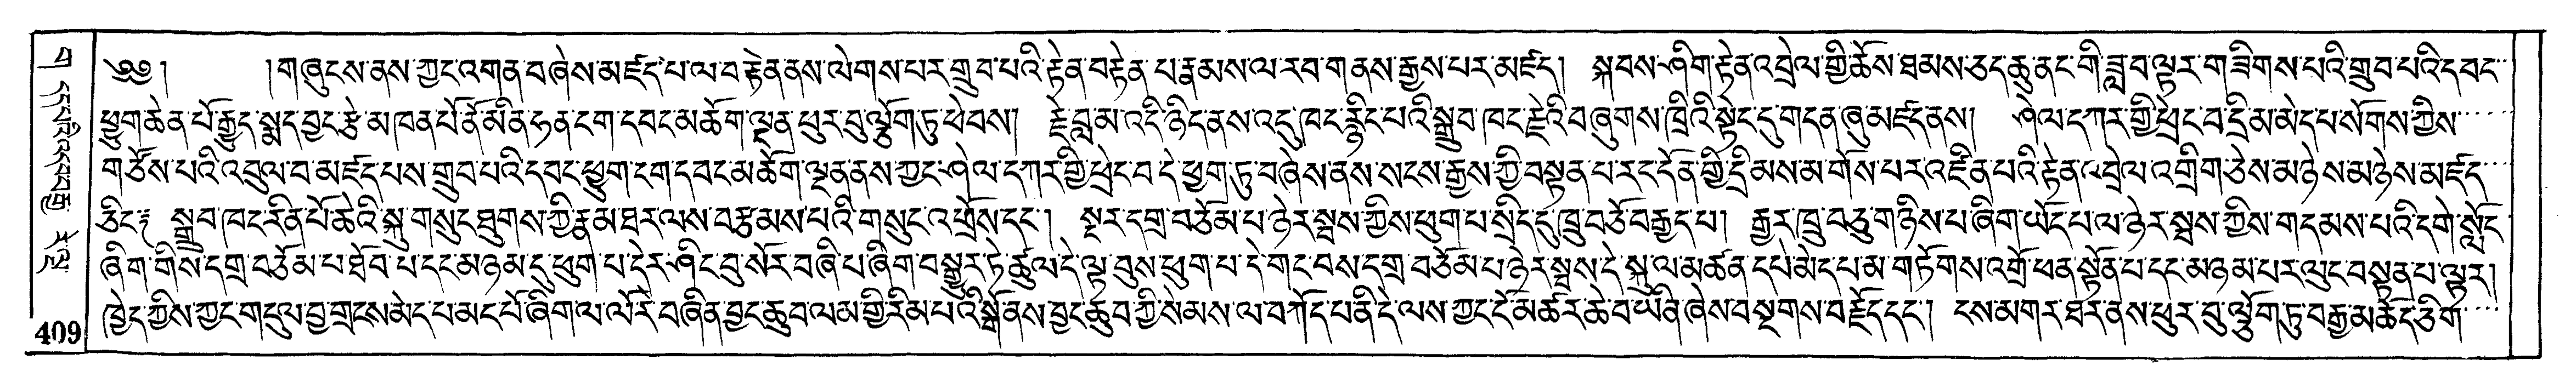༄༅། །གཞུངས་ནས་ཀྱང་འགན་བཞེས་མཛད་པ་ལ་བརྟེན་ནས་ལེགས་པར་གྲུབ་པའི་རྟེན་བརྟེན་པ་རྣམས་ལ་རབ་གནས་རྒྱས་པར་མཛད། སྐབས་ཤིག་རྟེན་འབྲེལ་གྱི་ཆོས་ཐམས་ཅད་ཆུ་ནང་གི་ཟླ་བ་ལྟར་གཟིགས་པའི་གྲུབ་པའི་དབང་
ཕྱུག་ཆེན་པོ་རྒྱུད་སྨད་བྱང་རྩེ་མཁན་པོ་ནོ་མིན་ཧན་ངག་དབང་མཆོག་ལྡན་ཕུར་བུ་ལྕོག་ཏུ་ཕེབས། རྗེ་བླ་མ་འདི་ཉིད་ནས་འདུ་ཁང་རྙིང་པའི་སྒྲུབ་ཁང་རྗེའི་བཞུགས་ཁྲིའི་སྟེང་དུ་གདན་ཞུ་མཛད་ནས། ཤེལ་དཀར་གྱི་ཕྲེང་བ་དྲི་མ་མེད་པ་སོགས་ཀྱིས་
གཙོས་པའི་འབུལ་བ་མཛད་པས་གྲུབ་པའི་དབང་ཕྱུག་ངག་དབང་མཆོག་ལྡན་ནས་ཀྱང་ཤེལ་དཀར་གྱི་ཕྲེང་བ་དེ་ཕྱག་ཏུ་བཞེས་ནས་སངས་རྒྱས་ཀྱི་བསྟན་པ་རང་དོན་གྱི་དྲི་མས་མ་གོས་པར་འཛིན་པའི་རྟེན་འབྲེལ་འགྲིག་ཅེས་མཉེས་མཉེས་མཛད་
ཅིང༑ སྒྲུབ་ཁང་རིན་པོ་ཆེའི་སྐུ་གསུང་ཐུགས་ཀྱི་རྣམ་ཐར་ལས་བརྩམས་པའི་གསུང་འཕྲོས་དང་། སྔར་དགྲ་བཅོམ་པ་ཉེར་སྦས་ཀྱིས་ཕུག་པ་སྲིད་དུ་ཁྲུ་བཅོ་བརྒྱད་པ། རྒྱར་ཁྲུ་བཅུ་གཉིས་པ་ཞིག་ཡོད་པ་ལ་ཉེར་སྦས་ཀྱིས་གདམས་བའི་དགེ་སློང་
ཞིག་གིས་དགྲ་བཅོམ་པ་ཐོབ་པ་དང་མཉམ་དུ་ཕུག་པ་དེར་ཤིང་བུ་སོར་བཞི་པ་ཞིག་བསྐྱུར་ཏེ་ཚུལ་དེ་ལྟ་བུས་ཕུག་བ་དེ་གང་བས་དགྲ་བཅོམ་པ་ཉེར་སྦས་དེ་སྐུ་ལ་མཚན་དཔེ་མེད་པ་མ་གཏོགས་འགྲོ་ཕན་སྟོན་པ་དང་མཉམ་པར་ལུང་བསྟན་པ་ལྟར།
ཁྱེད་ཀྱིས་ཀྱང་གདུལ་བྱ་གྲངས་མེད་པ་མང་པོ་ཞིག་ལ་ལོ་རེ་བཞིན་བྱང་ཆུབ་ལམ་གྱི་རིམ་པའི་སྒོ་ནས་བྱང་ཆུབ་ཀྱི་སེམས་ལ་བཀོད་པ་ནི་དེ་ལས་ཀྱང་ངོ་མཚར་ཆེ་བ་ཡིན་ཞེས་བསྔགས་བརྗོད་དང་། ངས་མགར་ཐར་ནས་ཕུར་བུ་ལྕོག་ཏུ་བརྒྱ་མཆོད་ཅིག་